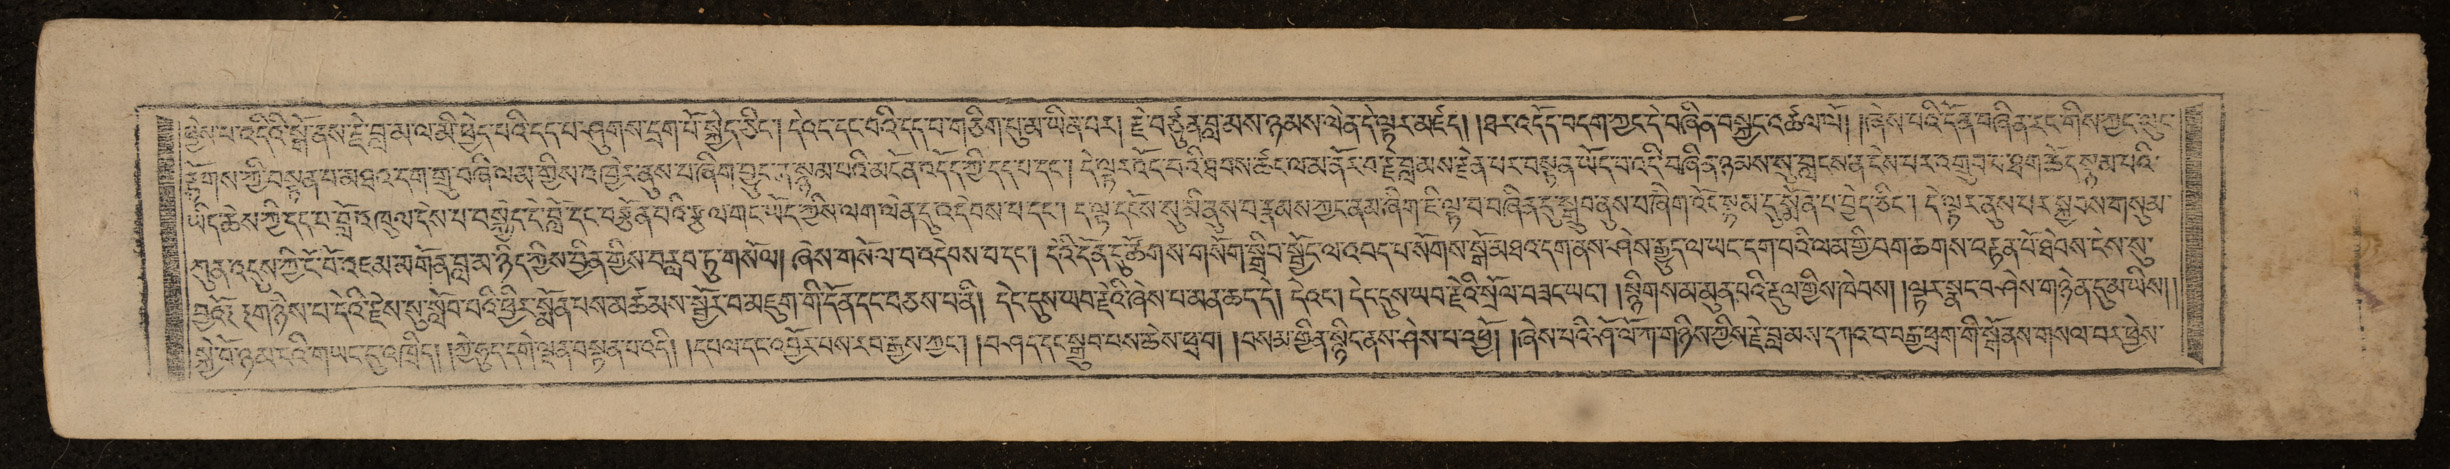ཕྱས་པ་འདིའི་སྒོ་ནས་རྗེ་བླ་མ་ལ་མི་ཕྱེད་པའི་དད་པ་ཤུགས་དྲག་པོ་སྐྱེད་ཅིང་། དེའང་དང་བའི་དད་པ་གཅིག་པུ་མ་ཡིན་པར། རྗེ་བཙུན་བླ་མས་ཉམས་ལེན་དེ་ལྟར་མཛད། །ཐར་འདོད་བདག་ཀྱང་དེ་བཞིན་བསྐྱང་འཚལ་ལོ། །ཞེས་པའི་དོན་བཞིན་རང་གིས་ཀྱང་ལུང་
རྟོགས་ཀྱི་བསྟན་པ་མཐའ་དག་གྲུ་བཞི་ལམ་གྱིས་འཁྱེར་ནུས་པ་ཞིག་བྱུང་ན་སྙམ་བའི་མངོན་འདོད་ཀྱི་དད་བ་དང་། དེ་ལྟར་འོང་བའི་ཐབས་ཚང་ལ་མནོར་བ་རྗེ་བླ་མས་རྗེ་བར་བསྟན་ཡོད་བ་འདི་བཞིན་ཉམས་སུ་བླངས་ན་ངེས་པར་འགྲུབ་པ་ཐག་ཆོད་སྙམ་པའི་
ཡིད་ཆེས་ཀྱི་དད་པ་བློ་འཁུལ་ངེས་པ་བསྐྱེད་དེ་བློ་དང་བརྩོན་བའི་རྩ་ལ་གང་ཡོད་ཀྱིས་ལག་ལེན་དུ་འདེབས་པ་དང་། ད་ལྟ་དངོས་སུ་མི་ནུས་པ་རྣམས་ཀྱང་ནམ་ཞིག་ཇི་ལྟ་བ་བཞིན་དུ་སྒྲུབ་ནུས་པ་ཞིག་འོང་སྙམ་དུ་སྨོན་པ་བྱེད་ཅིང་། དེ་ལྟར་ནུས་པར་སྐྱབས་གསུམ་
ཀུན་འདུས་ཀྱི་ངོ་བོ་འཇམ་མགོན་བླ་མ་ཉིད་ཀྱིས་བྱིན་གྱིས་བརླབ་ཏུ་གསོལ། ཞེས་གསོལ་བ་འདེབས་པ་དང་། དེའི་དོན་དུ་ཚོགས་གསོག་སྒྲིབ་སྦྱོང་ལ་འབད་པ་སོགས་སྒོ་མཐའ་དག་ནས་ཤེས་རྒྱུད་ལ་ཡང་དག་པའི་ལམ་གྱི་བག་ཆགས་བརྟན་པོ་ཐེབས་ངེས་སུ་
བྱའོ༑ ༑གཉིས་པ་དེའི་རྗེས་སུ་སློབ་པའི་ཕྱིར་སྨོན་པས་མཚམས་སྦྱོར་བ་མཇུག་གི་དོན་དང་བཅས་པ་ནི། དེང་དུས་ཡབ་རྗེའི་སྲོལ་བཟང་ཡང་། །སྙིགས་མ་མུན་པའི་རྡུལ་གྱིས་ཁེབས། །ལྟར་སྣང་བ་ཤེས་གཉེན་དུ་མ་ཡིས།།
སྐྱེ་བོ་ཉམ་ངའི་གཡང་དུ་འཁྲིད། །ཀྱེ་ཧུད་དགེ་ལྡན་པ་བསྟན་པ་འདི། །དཔལ་དང་འབྱོར་བས་རབ་རྒྱས་ཀྱང་། །བཤད་དང་སྒྲུབ་པས་མ་ཆེས་ཕྲ་བ། །བསམ་གྱིན་སྙིང་ནས་ཤེས་པ་འཕྱོ། །ཞེས་པའི་ཤོ་ལོ་ཀ་གཉིས་ཀྱིས་རྗེ་བླ་མས་དཀའ་བ་བརྒྱ་ཕྲག་གི་སྒོ་ནས་གསལ་བར་ཕྱེས་